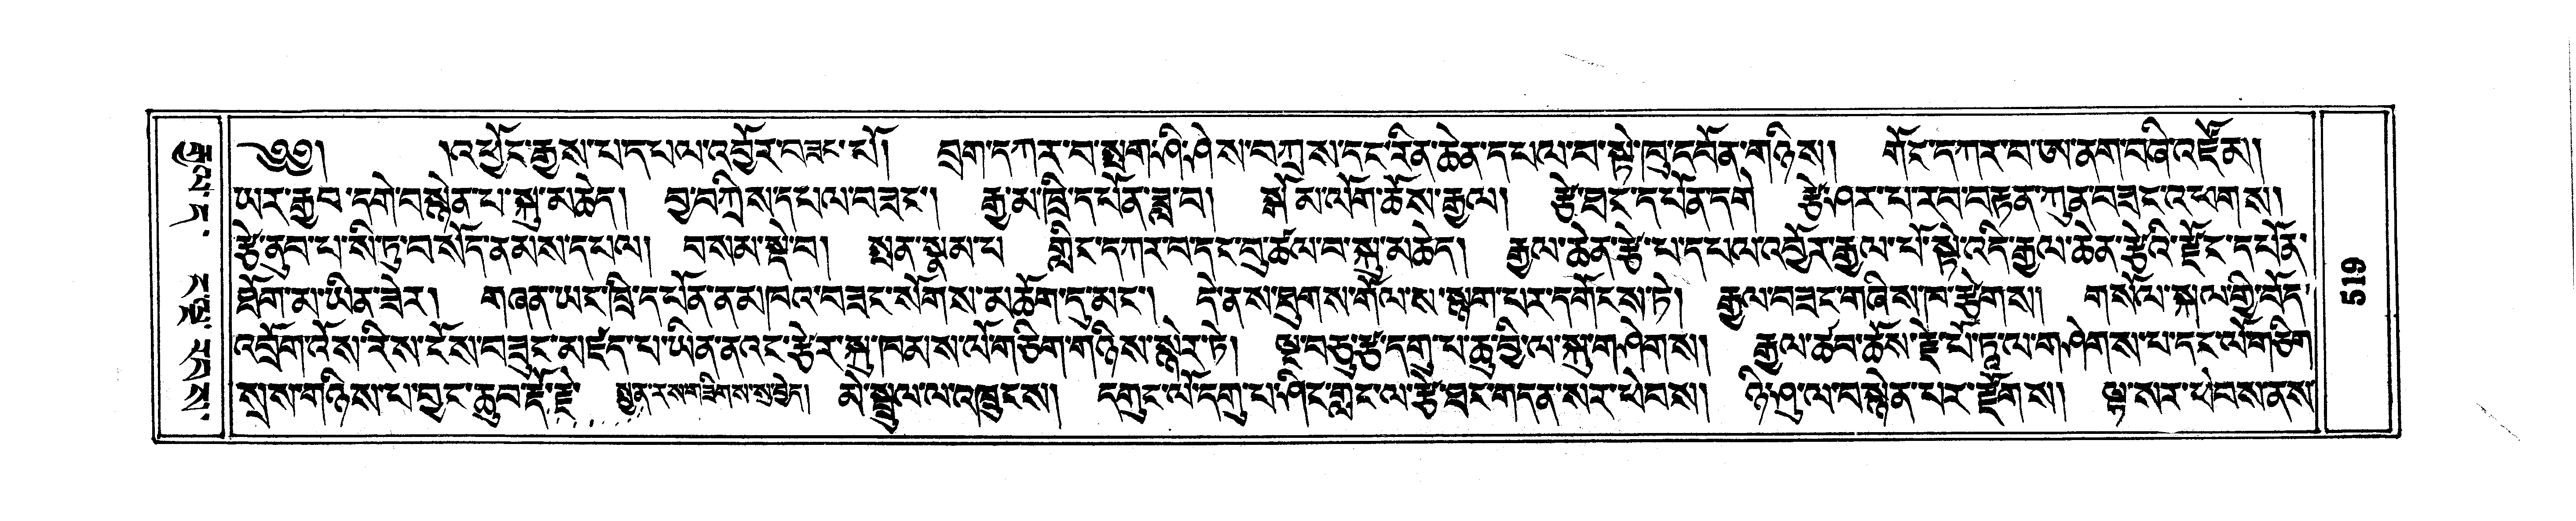༄༅། །འཕྱོང་རྒྱས་པ་དཔལ་འབྱོར་བཟང་པོ། བྲག་དཀར་བ་སྤག་ཤི་ཤེས་བཀྲས་དང་རིན་ཆེན་དཔལ་བ་སྟེ་ཁུ་དབོན་གཉིས། གོང་དཀར་བ་ཨ་ནག་བཞི་འཛོམ།
ཡར་རྒྱབ་དགེ་བསྙེན་པ་སྐུ་མཆེད། བྱ་བཀྲིས་དཔལ་བཟང་། རྒྱ་མ་ཁྲི་དཔོན་ཟླ་བ། སྒོམ་ལོག་ཆོས་རྒྱལ། རྩེ་ཐང་དཔོན་དགེ་རྩེ་ཤར་པ་རབ་བརྟན་ཀུན་བཟང་འཕགས།
རྩེ་ནུབ་པ་སི་ཏུ་བསོད་ནམས་དཔལ། བསམ་སྡེ་བ། སྤན་སྣམ་པ། གླིང་དཀར་བ་དང་བུ་ཚལ་བ་སྐུ་མཆེད། རྒྱལ་ཆེན་རྩེ་པ་དཔལ་འབྱོར་རྒྱལ་པོ་སྟེ་འདི་རྒྱལ་ཆེན་རྩེའི་རྫོང་དཔོན་
ཐོག་མ་ཡིན་ཟེར། གཞན་ཡང་ཁྲི་དཔོན་ནམཁའ་བཟང་སོགས་མཆོག་དུ་མང་། དེ་ནས་ཐུགས་གོལ་ས་སྙག་པར་དགོངས་ཏེ། རྒྱལ་བཟང་གཞིས་ཁ་རྩེགས། གསོལ་སྐལ་གྱི་བོད་
འབྲོག་འོས་རིས་ངོས་བཟུང་མཛད་པ་ཡིན་ནའང་རྩེར་སྐུ་ཁམས་ལོ་གཅིག་གཉིས་སྙེར་ཏེ། ལྔ་བཅུ་རྩ་དགུ་པ་ཆུ་བྱི་ལ་སྐུ་གཤེགས། རྒྱལ་ཚབ་ཆོས་རྗེ་པོ་ཏཱ་ལ་གཤེགས་པ་དང་ལོ་གཅིག་
སྲས་གཉིས་པ་བྱང་ཆུབ་རྡོ་རྗེ་སྤྱན་རས་གཟིགས་སུ་བྱེད།  མེ་སྦྲུལ་ལ་འཁྲུངས། དགུང་ལོ་དགུ་པ་ཤིང་གླང་ལ་རྩེ་ཐང་གདན་སར་ཕེབས། ཉི་ཤུ་ལ་བསྙེན་པར་རྫོགས། ལྷ་སར་ཕེབས་ནས་